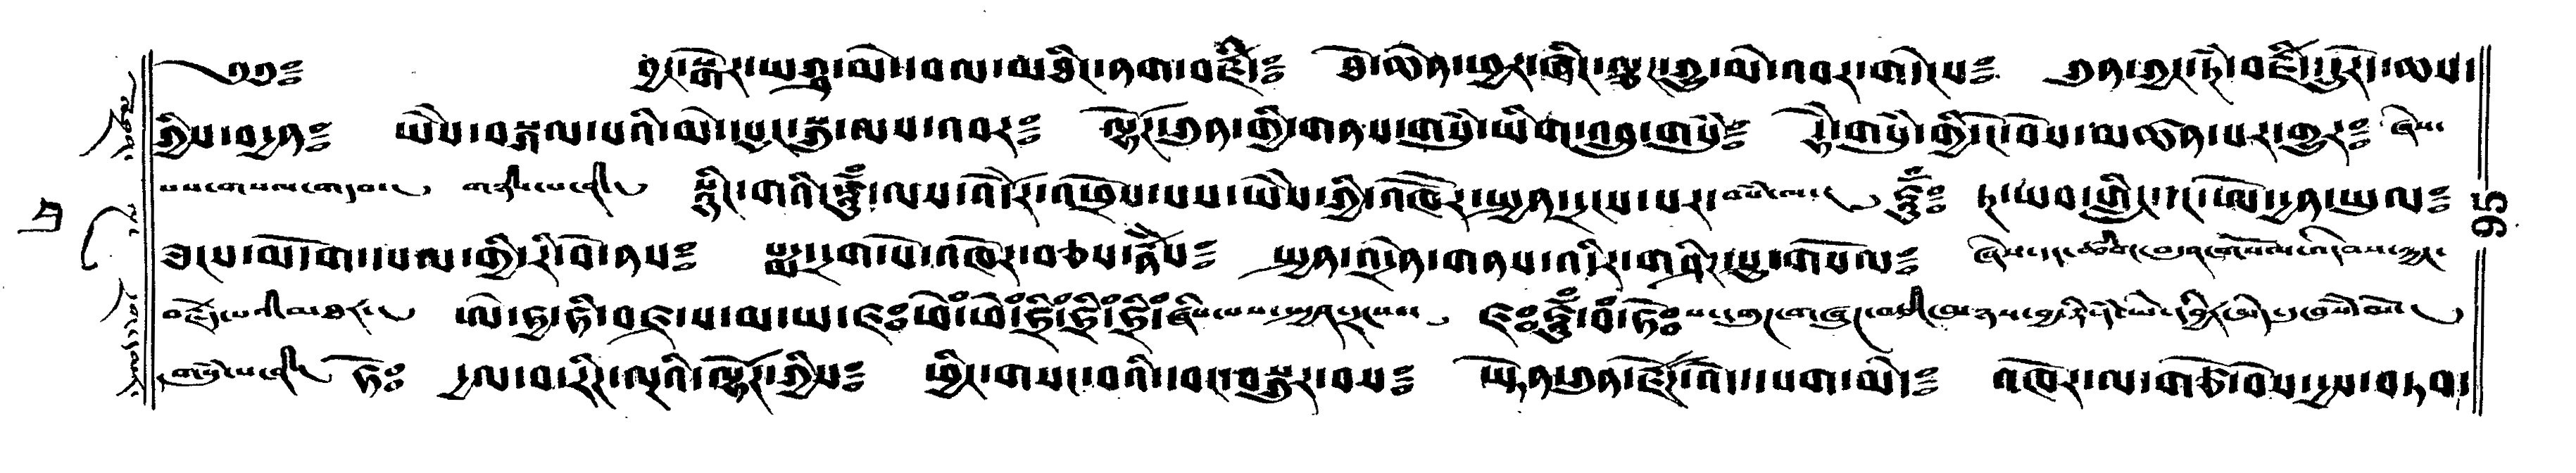བྱང་སྒོར་ཡཀྴ་མེ་དབལ་མཐིང་ནག་བརྗིད༔ ཐོ་ཆེན་འཕྱར་ཞིང་ལྕགས་ཀྱུ་མེ་འབར་གདེང༔ ཀུན་ཀྱང་རྔམ་བརྗིད་དུར་ཁྲོད་ཆས་
ཀྱིས་བརྒྱན༔ ཡེ་ཤེས་བསྐལ་པའི་མེ་དཔུང་སྐུ་ལས་འབར༔ ལྷ་ཚོགས་ཀུན་གྱི་གནས་གསུམ་ཡིག་འབྲུ་གསུམ༔ རྡོ་རྗེ་གསུམ་གྱི་ངོ་བོས་མཚན་པར་གྱུར༔ ཞེས་
པས་གསལ་གདབ། གཉིས་པ་ནི། སྙིང་གའི་ཧཱུྃ་ལས་འོད་ཟེར་འཕྲོས་པས་ཡེ་ཤེས་ཀྱི་འཁོར་ལོ་སྤྱན་དྲངས་པར་བསམ་ལ། ཧྃའུ༔ རྔ་ཡབ་གླིང་དང་ཨོ་རྒྱན་ཡུལ༔ 
ཟངས་མདོག་དཔལ་གྱི་རི་བོ་ནས༔ པདྨ་དྲག་པོ་འཁོར་བཅས་རྣམས༔ སྤྱན་འདྲེན་གནས་འདིར་གཤེགས་སུ་གསོལ༔ ཞེས་དང་ཚིག་བདུན་གསོལ་འདེབས་ཀྱང་་
བརྗོད་པའི་མཐར། ཨེ་ཧྱ་ཧི་བཛྲ་ས་མ་ཡ་ཛཿཕེཾ་ཕེཾ་ཧྲིཾ་ཧྲིཾ་ཧྲིཾ༔ ཞེས་པས་སྤྱན་དྲངས། ཛ༔ཧཱུྃ་བཾ་ཧོཿ ས་དགུག་གཞུག་བཅིང་གསུམ་བྱས་ཏེ་དམ་ཡེ་དབྱེར་མེད་དུ་བསམ་མོ། 
གསུམ་པ་ནི། ཧོ༔ རྒྱལ་བ་རིགས་ལྔའི་ལྷ་ཚོགས་ཀྱིས༔ ཕྱི་ནང་གསང་བའི་དབང་བསྐུར་བས༔ ཡོན་ཏན་ཀུན་རྫོགས་འོད་དཔག་མེད༔ འཁོར་ལ་གཙོ་བོས་རྒྱས་བཏབ་